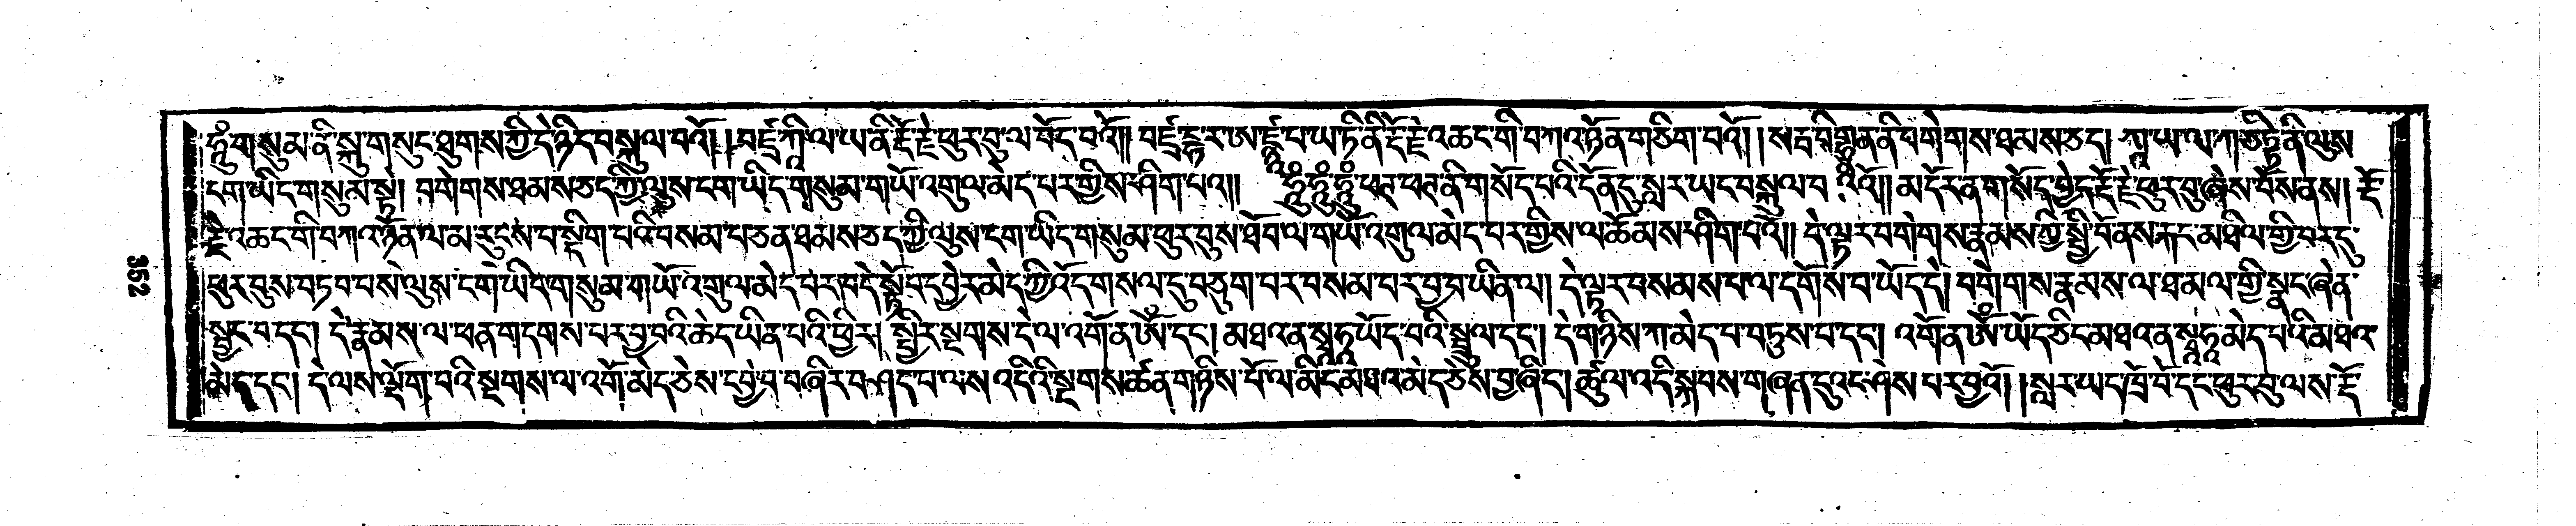ཧཱུཾ་གསུམ་ནི་སྐུ་གསུང་ཐུགས་ཀྱི་དེ་ཉིད་བསྐུལ་བའོ། །བཛྲ་ཀཱི་ལ་ཡ་ནི་རྡོ་རྗེ་ཕུར་བུ་ལ་བོད་པའོ། །བཛྲ་དྷ་ར་ཨ་ཛྙཱ་བ་ཡ་ཏི་ནི་རྡོ་རྗེ་འཆང་གི་བཀའ་ཉོན་གཅིག་པའོ། །སརྦ་བིགྷྣྰྣ་ནི་བགེགས་ཐམས་ཅད། ཀཱ་ཡ་ཝ་ཀ་ཙིཏྟ་ནི་ལུས་
ངག་ཡིད་གསུམ་སྟེ། བགེགས་ཐམས་ཅད་ཀྱི་ལུས་ངག་ཡིད་གསུམ་གཡོ་འགུལ་མེད་པར་གྱིས་ཤིག་པའོ།། ཧཱུཾ་ཧཱུཾ་ཧཱུཾ་ཕཊ་ཕཊ་ནི་གསོད་པའི་དོན་དུ་སླར་ཡང་བསྐུལ་བའོ། །མདོར་ན་གསོད་བྱེད་རྡོ་རྗེ་ཕུར་བུ་ཞེས་བོས་ནས། རྡོ་
རྗེ་འཆང་གི་བཀའ་ཉོན་ལ་མ་རུངས་པ་སྡིག་པའི་བསམ་པ་ཅན་ཐམས་ཅད་ཀྱི་ལུས་ངག་ཡིད་གསུམ་ཕུར་བུས་ཐོབ་ལ་གཡོ་འགུལ་མེད་བར་གྱི་ས་ལ་ཆོམས་ཤིག་པའོ། །དེ་ལྟར་བགེགས་རྣམས་ཀྱི་སྤྱི་བོ་ནས་རྐང་མཐིལ་གྱི་བར་དུ་
ཕུར་བུས་བཏབ་བས་ལུས་ངག་ཡིད་གསུམ་གཡོ་འགུལ་མེད་པར་བདེ་སྟོང་དབྱེར་མེད་ཀྱི་འོད་གསལ་དུ་བཅུག་པར་བསམ་པར་བྱ་བ་ཡིན་ལ། དེ་ལྟར་བསམས་པ་ལ་དགོས་པ་ཡོད་དེ། བགེགས་རྣམས་ལ་ཐ་མལ་གྱི་སྣང་ཞེན་
སྦྱང་བ་དང་། དེ་རྣམས་ལ་ཕན་གདགས་པར་བྱ་བའི་ཆེད་ཡིན་པའི་ཕྱིར། སྤྱིར་སྔགས་དེ་ལ་འགོ་ན་ཨོཾ་དང་། མཐའ་ན་སྭཱཧཱ་ཡོད་པའི་སྤྲུལ་དང་། དེ་གཉིས་ཀ་མེད་པ་བཏུས་པ་དང་། འགོ་ན་ཨོཾ་ཡོད་ཅིང་མཐའ་ན་སྭཱཧཱ་མེད་པའི་མཐའ་
མེད་དང་། དེ་ལས་ལྡོག་པའི་སྔགས་ལ་འགོ་མེད་ཅེས་དབྱེ་བ་བཞིར་བཤད་པ་ལས་འདིའི་སྔགས་ཚན་གཉིས་པོ་ལ་མིང་མཐའ་མེད་ཅེས་བྱ་ཞིང་། ཚུལ་འདི་སྐབས་གཞན་དུའང་ཤེས་པར་བྱའོ། །སླར་ཡང་ཁྲོ་བོ་དང་ཕུར་བུ་ལས་རྡོ་